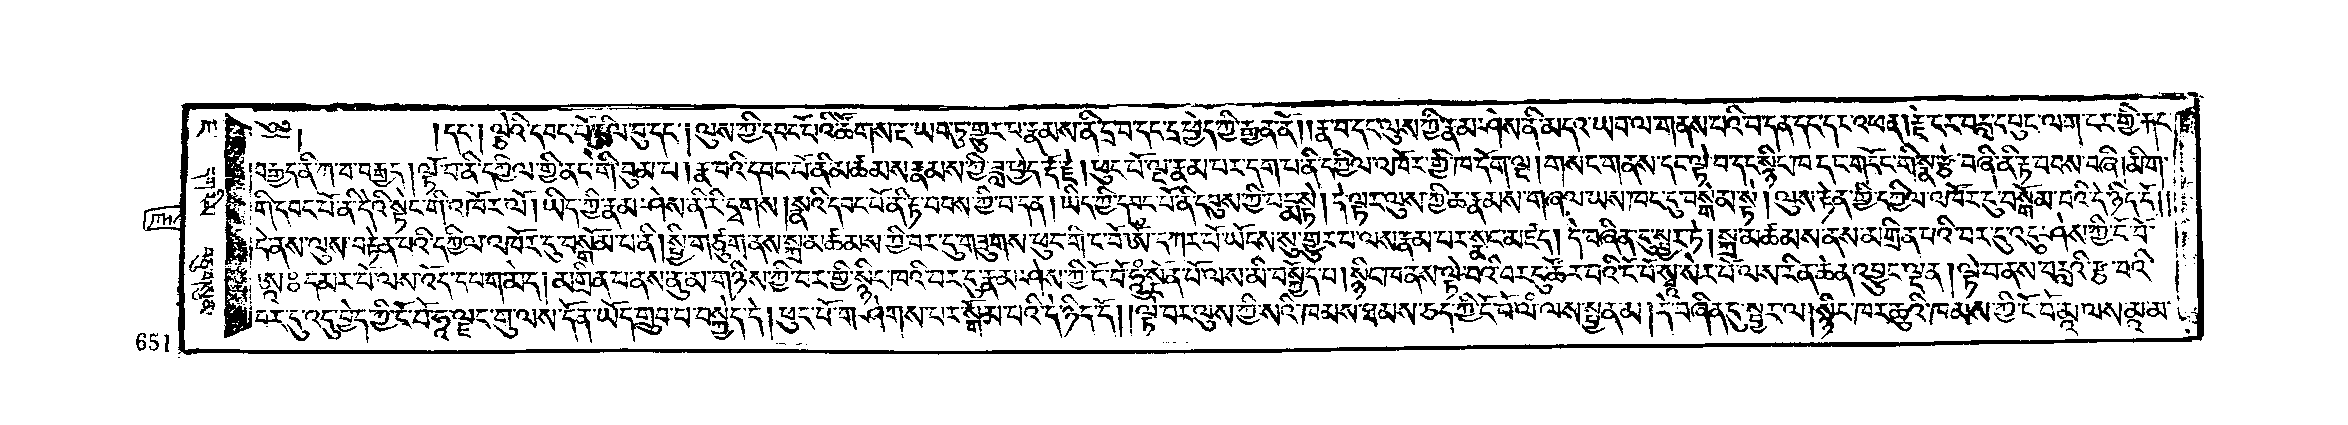༄༅། །དང་། ལྕེའི་དབང་པོ་དྲིལ་བུ་དང་། ལུས་ཀྱི་དབང་པོའི་ཚོགས་རྔ་ཡབ་ཏུ་གྱུར་པ་རྣམས་ནི་དྲ་བ་དང་དྲ་ཕྱེད་ཀྱི་རྒྱན་ནོ། །རྣ་བ་དང་ལུས་ཀྱི་རྣམ་ཤེས་ནི་མདའ་ཡབ་ལ་གནས་གནས་པའི་བ་དན་དང་དར་འཕན། རྗེ་ངར་བརླ་དཔུང་ལག་ངར་གྱི་རྐང་
བརྒྱད་ནི་ཀ་བ་བརྒྱད། ལྟོ་བ་ནི་དཀྱིལ་གྱི་ནང་གི་བུམ་པ། རྣ་བའི་དབང་པོ་ནི་མཚམས་རྣམས་ཀྱི་ཟླ་ཕྱེད་རྡོ་རྗེ། ཕུང་པོ་ལྔ་རྣམ་པར་དག་པ་ནི་དཀྱིལ་འཁོར་གྱི་ཁ་དོག་ལྔ། གསང་གནས་དང་ལྟེ་བ་དང་སྙིང་ཁ་དང་གདོང་གི་སྣ་རྩེ་བཞི་ནི་རྟ་བབས་བཞི། མག་
གི་དབང་པོ་ནི་དེའི་སྟེང་གི་འཁོར་ལོ། ཡིད་ཀྱི་རྣམ་ཤེས་ནི་རི་དྭགས། སྣའི་དབང་པོ་ནི་རྟ་བབས་ཀྱི་བ་དན། ཡིད་ཀྱི་དབང་པོ་ནི་དབུས་ཀྱི་པདམ་སྟེ། དེ་ལྟར་ལུས་ཀྱི་ཆ་རྣམས་གཞལ་ཡས་ཁང་དུ་བསྒོམ་སྟེ། ལུས་རྟེན་གྱི་དཀྱིལ་འཁོར་དུ་བསྒོམ་པའི་དེ་ཉིད་དོ།།
དེ་ནས་ལུས་བརྟེན་པའི་དཀྱིལ་འཁོར་དུ་བསྒོམ་པ་ནི། སྤྱི་གཙུག་ནས་སྐྲ་མཚམས་ཀྱི་བར་དུ་གཟུགས་ཕུང་གི་ང་བོ་ཨོཾ་དཀར་པོ་ཡོངས་སུ་གྱུར་པ་ལས་རྣམ་པར་སྣང་མཛད། དེ་བཞིན་དུ་སྦྱར་ཏེ། སྐྲ་མཚམས་ནས་མགྲིན་པའི་བར་དུ་འདུ་ཤེས་ཀྱི་ངོ་བོ་
ཨཱཿ དམར་པོ་ལས་འོད་དཔག་མེད། མགྲིན་པ་ནས་ནུ་མ་གཉིས་ཀྱི་བར་གྱི་སྙིང་ཁའི་བར་དུ་རྣམ་ཤེས་ཀྱི་ངོ་བོ་ཧཱུཾ་སྔོན་པོ་ལས་མི་བསྐྱོད་པ། སྙིང་ཁ་ནས་ལྟེ་བའི་བར་དུ་ཚོར་བའི་ངོ་བོ་སྭཱ་སེར་པོ་ལས་རིན་ཆེན་འབྱུང་ལྡན། ལྟེ་བ་ནས་བརླུའི་རྩ་བའི་
བར་དུ་འདུ་བྱེད་ཀྱི་ངོ་བོ་ཧཱ་ལྗང་གུ་ལས་དོན་ཡོད་གྲུབ་པ་བསྐྱེད་དེ། ཕུང་པོ་གཤེགས་པར་སྒོམ་པའི་དེ་ཉིད་དོ། །ལྟེ་བར་ལུས་ཀྱི་སའི་ཁམས་ཐམས་ཅད་ཀྱི་ངོ་བོ་ལཾ་ལས་སྤྱན་མ། དེ་བཞིན་དུ་སྦྱར་ལ། སྙིང་ཁར་ཆུའི་ཁམས་ཀྱི་ངོ་བོ་མཱཾ་ལས་མཱ་མ་